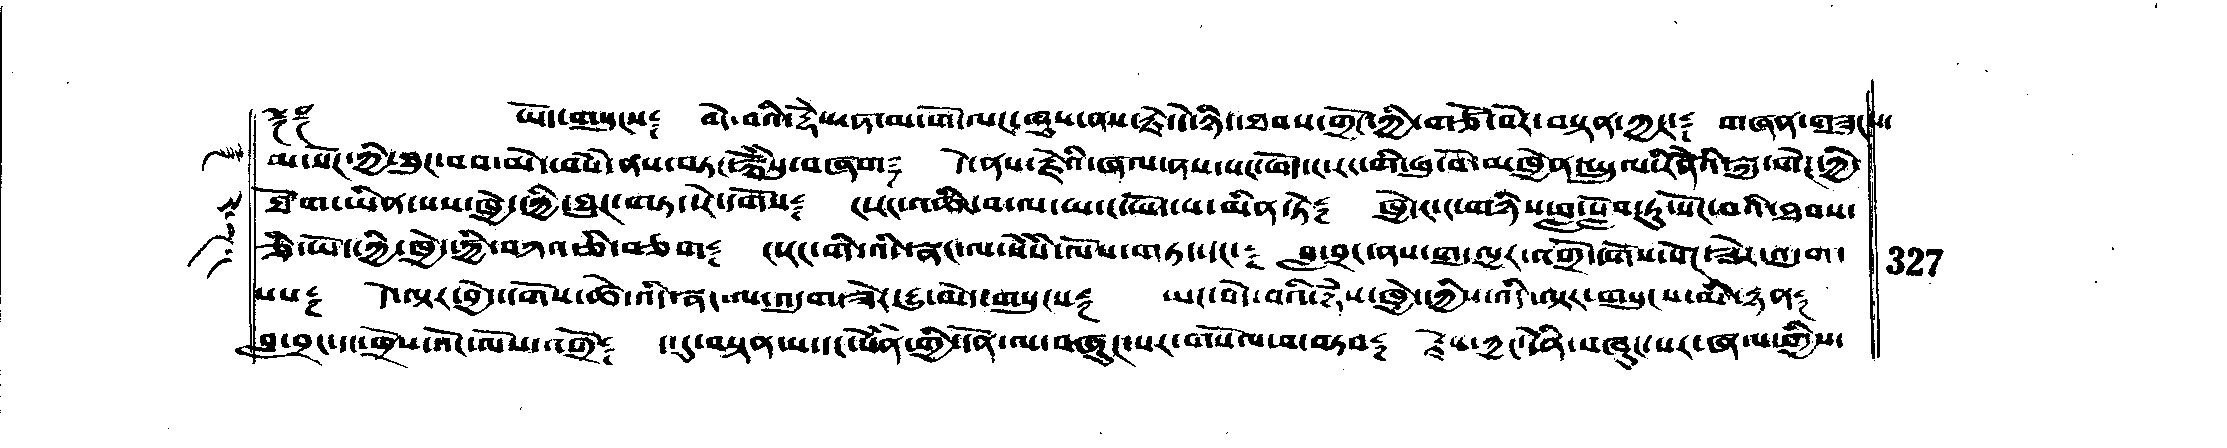ཡོད་གསུངས། བདེ་བའི་རྡོ་རྗེས་ཧ་མ་གོ་ལགས་ཞུས་ནས་རྗེ་དེ་ཉིད་ཐབས་གྲོགས་ཀྱི་གཙོ་བོར་བསྟན་ཀྱང་། གཞན་གཟུངས་
མ་སོགས་ཀྱི་ཐུགས་བབ་མེད་བསམ་ནས་བཏང་སྙོམས་སུ་བཞག དེ་ནས་རྗེའི་ཞལ་ནས་སང་ཕོད་ང་རང་གི་ཕུ་བོ་མཁྱེན་སྤྲུལ་རིན་པོ་ཆེའི་སྐུ་གེགས་ཀྱི་
ཐོག་ཡིན་པས་ཁྱེད་ཀྱི་ཐུགས་གཏད་རེ་དགོས། ང་རང་འཆི་བ་ལ་ཡ་ང་ཡོད་པ་མིན་ཏེ། ཁྱད་པར་༼ཁྱེད་དང་?༽ང་གཉིས་བླ་སློབ་ཏུ་སོང་བའི་ཐབས་
ཅི་ཡོད་ཀྱི་ཁྱེད་ཀྱི་བཀའ་ཅི་བཅག ང་རང་གི་འདི་སྣང་ལ་སེམས་ལོས་གཏད་དང་། བླ་བྲང་ནས་གདུལ་བྱར་འགྲོ་དགོས་སོགས་ཟེར་འདུག་
པས། དེ་ལྟར་བྱེད་དགོས་ཚེ་འདི་སྣང་ལ་འདུག་ཟེར་རྒྱུ་མེད་གསུངས། ཡང་བདེ་བའི་རྡོ་རྗེས་ཁྱེད་ཀྱིས་འདི་ལྟར་གསུངས་མི་ཉན། 
བླ་བྲང་དང་གྲོས་འོང་ལོས་འགྲོ། ད་དུང་བསྟན་པ་དང་སེམས་ཅན་གྱི་དོན་ལ་བཞུགས་པར་གསོལ་བ་བཏབ། རྗེས་ཀྱང་དེ་བཞིན་བཞུགས་པར་ཞལ་གྱིས་